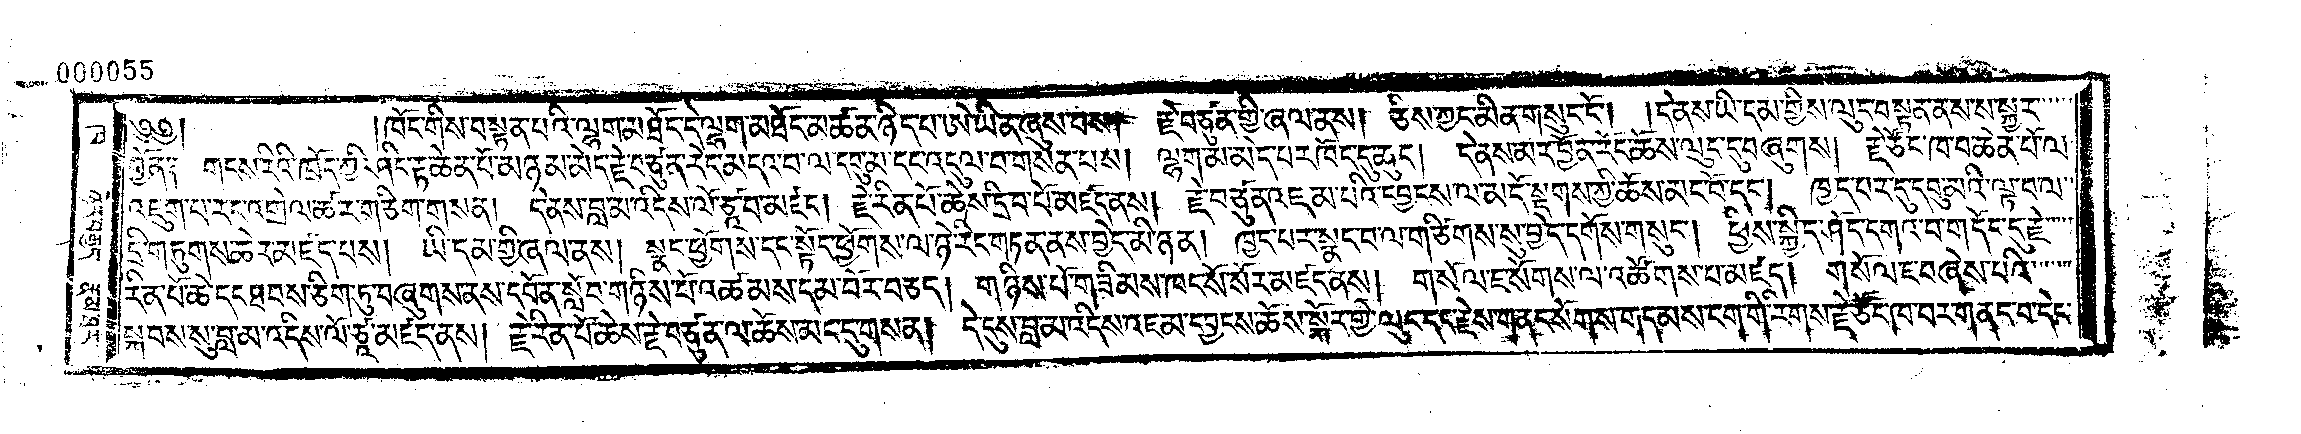༄༅། །ཁོང་གིས་བསྟན་པའི་ལྷག་མཐོང་དེ་ལྷག་མཐོང་མཚན་ཉིད་པ་ཨེ་ཡིན་ཞུས་པས། རྗེ་བཙུན་གྱི་ཞལ་ནས། ཅིས་ཀྱང་མིན་གསུང་ངོ། །དེ་ནས་ཡི་དམ་གྱིས་ལུང་བསྟན་ནས་ས་སྐྱར་
བྱོན་གངས་རིའི་ཁྲོད་ཀྱི་ཤིང་རྟ་ཆེན་པོ་མཉམ་མེད་རྗེ་བཙུན་རེད་མདའ་པ་ལ་དབུ་མ་དང་འདུལ་བ་གསན་པས། ལྷག་མ་མེད་པར་ཁོང་དུ་ཆུད། དེ་ནས་མར་བྱོན་རོང་ཆོས་ལུང་དུ་བཞུགས། རྗེ་རྩོང་ཁ་པ་ཆེན་པོ་ལ་
འཇུག་པ་རང་འགྲེལ་ཚར་གཅིག་གསན། དེ་ནས་བླ་མ་འདིས་ལོ་ཙཱ་བ་མཛད། རྗེ་རིན་པོ་ཆེས་དྲི་བ་པོ་མཛད་ནས། རྗེ་བཙུན་འཇམ་པའི་དབྱངས་ལ་མདོ་སྔགས་ཀྱི་ཆོས་མང་པོ་དང་། ཁྱད་པར་དུ་དབུ་མའི་ལྟ་བ་ལ་
དྲི་གཏུགས་ཆེར་མཛད་པས། ཡི་དམ་གྱི་ཞལ་ནས། སྣང་ཕྱོགས་དང་སྟོང་ཕྱོགས་ལ་ཉེ་རིང་གཏན་ནས་བྱེད་མི་ཉན། ཁྱད་པར་སྣང་བ་ལ་གཙིགས་སུ་བྱེད་དགོས་གསུང་། ཕྱིས་སྐྱིད་ཤོད་དགའ་བ་གདོང་དུ་རྗེ་
རིན་པོ་ཆེ་དང་ཐབས་ཅིག་ཏུ་བཞུགས་ནས་དཔོན་སློབ་གཉིས་པོ་འཚམས་དམ་པོར་བཅད། གཉིས་པོ་གཟིམས་ཁང་སོ་སོར་མཛད་ནས། གསོལ་ཇ་སོགས་ལ་འཚོགས་པ་མཛད། གསོལ་ཇ་བཞེས་པའི་
སྐབས་སུ་བླ་མ་འདིས་ལོ་ཙཱ་མཛད་ནས། རྗེ་རིན་པོ་ཆེས་རྗེ་བཙུན་ལ་ཆོས་མང་དུ་གསན། དེ་དུས་བླ་མ་འདིས་འཇམ་དབྱངས་ཆོས་སྐོར་གྱི་ལུང་དང་རྗེས་གནང་སོགས་གདམས་ངག་གི་རིགས་རྗེ་ཙོང་ཁ་པར་གནང་བ་དེང་